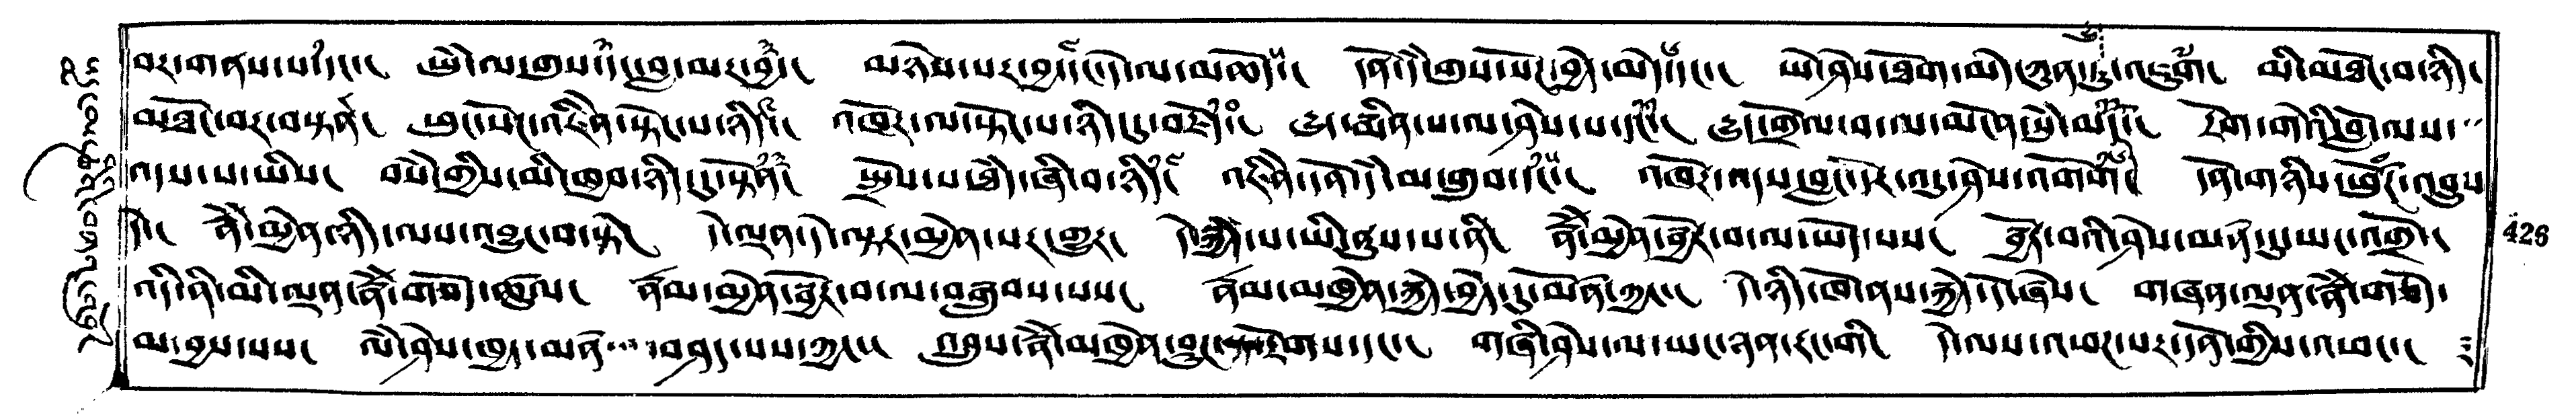བར་གནས་པ་དང་། །ཡུམ་ལ་གུས་དང་བླ་མར་བྱ། །མཉེས་པར་བྱ་དང་དེ་ལ་མཆོད། །དོན་དམ་གུས་སོགས་བྱེད་མེད་དང་། །ཡེ་ཤེས་ཐོགས་མེད་ཀུན་ཏུ་འཇུག།མི་མཐོང་བ་ཉིད་
མཐོང་བར་བསྟན། །ཕུང་སོགས་འཇིག་རྟེན་སྟོང་པ་ཉིད། །འཁོར་ལ་སྟོང་པ་ཉིད་དུ་བརྗོད། །རྒྱུད་སྨིན་པ་ལ་ཤེས་པ་དང་། །རྒྱུད་གྲོལ་བ་ལ་མངོན་སུམ་མཛད། །རྟོག་གེའི་བློ་ལས་
འདས་པ་ཡིས། །བསམ་གྱིས་མི་ཁྱབ་ཉིད་དུ་སྟོན། །སྤྲོས་པ་ཐམས་ཅད་ཞི་བ་ཉིད། །འཇིག་རྟེན་དོན་དམ་མ་གྲུབ་དང་། །འཁོར་འདས་བླང་དོར་འདུ་ཤེས་འགོག །དོན་གཉིས་ཕུན་ཚོགས་འབྲས་བུ་
དེ། །རྣམ་མཁྱེན་ཉིད་ལས་འབྱུང་བ་སྟེ། །དེ་ལྡན་དེ་ལྟར་མཁྱེན་པར་གྱུར། །དེ་སྐྱེད་པ་ཡི་ནུས་པ་ནི། །རྣམ་མཁྱེན་སྦྱོར་བ་ལ་ཡོད་པས། །སྦྱོར་བའི་ཤེས་མཚན་དུ་ཡང་འགྲོ། །
འདི་ནི་མི་ལྡན་རྣམ་གཅོད་ཚུལ། །རྣམ་མཁྱེན་སྦྱོར་བ་ལ་བསྒྲུབས་པས། །རྣམ་མཁྱེན་སྐྱེད་བྱེད་དུ་མཚོན་ཡང་། །དེ་ཉིད་ཁོ་ནས་སྐྱེད་དོ་ཞེས། །གཞན་ལྡན་རྣམ་གཅོད་
མ་བྱས་པས། །ལམ་ཤེས་ཁྱད་མཚན་བཤད་པས་ཀྱང་། །འབྲས་བུ་རྣམ་མཁྱེན་ཤུགས་རྟོགས་དང་། །གཞི་ཤེས་ལ་ཡང་ཉན་རང་གི། །དེ་ལས་འཕགས་པར་དོན་གྱིས་འཕང་།